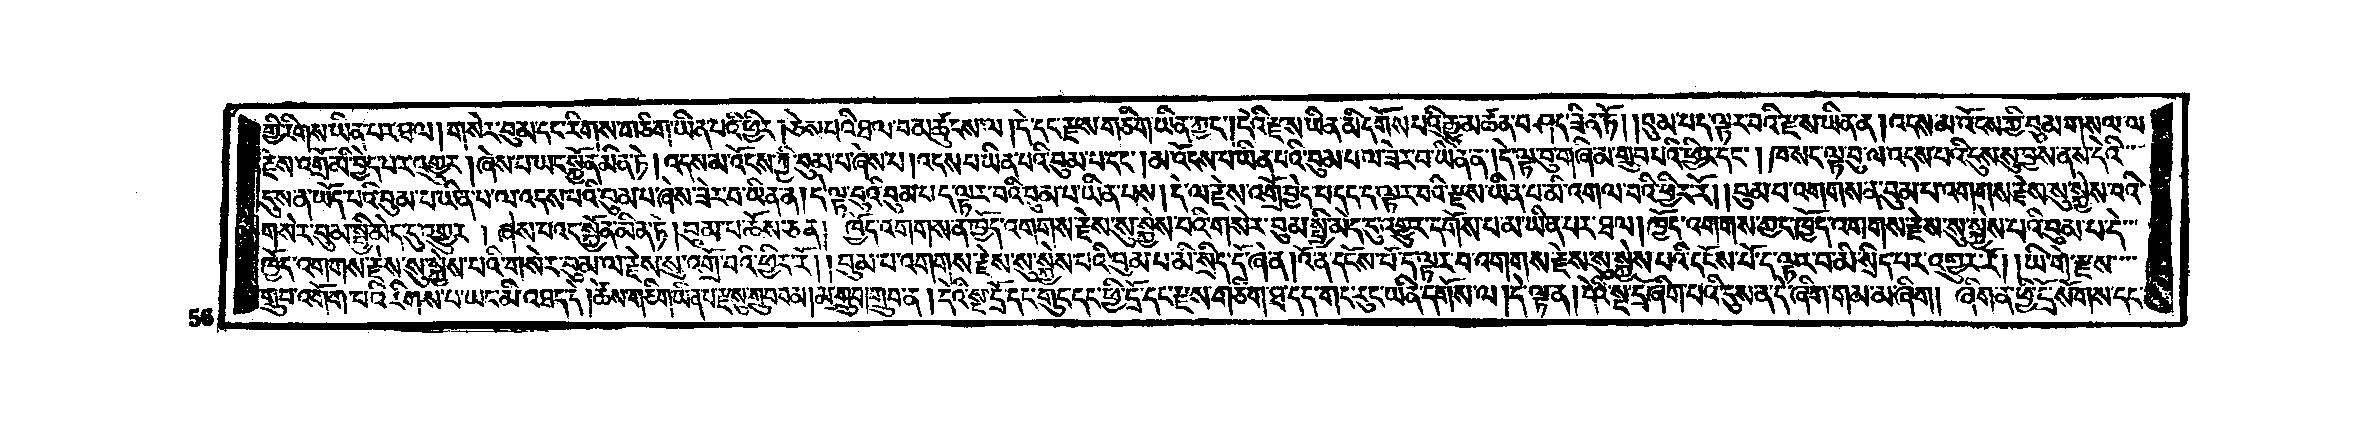གྱི་རིགས་ཡིན་པར་ཐལ། གསེར་བུམ་དང་རིགས་གཅིག་ཡིན་པའི་ཕྱིར། ཅེས་པའི་ཐལ་བ་མཚུངས་ལ། དེ་དང་རྫས་གཅིག་ཡིན་ཀྱང་། དེའི་རྫས་ཡིན་མི་དགོས་པའི་རྒྱུ་མཚན་བཤད་ཟིན་ཏོ། །བུམ་པ་ད་ལྟར་བའི་རྫས་ཡིན་ན། འདས་མ་འོངས་ཀྱི་བུམ་གསལ་ལ་
རྗེས་འགྲོ་མི་བྱེད་པར་འགྱུར། ཞེས་པ་ཡང་སྐྱོན་མིན་ཏེ། འདས་མ་འོངས་ཀྱི་བུམ་པ་ཞེས་པ། འདས་པ་ཡིན་པའི་བུམ་པ་དང་། མ་འོངས་པ་ཡིན་པའི་བུམ་པ་ལ་ཟེར་བ་ཡིན་ན། དེ་ལྟ་བུ་གཞི་མ་གྲུབ་པའི་ཕྱིར་དང་། ཁ་སང་ལྟ་བུ་ལ་འདས་པའི་དུས་སུ་བྱས་ནས་དེའི་
དུས་ན་ཡོད་པའི་བུམ་པ་ཡིན་པ་ལ་འདས་པའི་བུམ་པ་ཞེས་ཟེར་བ་ཡིན་ན། དེ་ལྟ་བུའི་བུམ་པ་ད་ལྟར་བའི་བུམ་པ་ཡིན་པས། དེ་ལ་རྗེས་འགྲོ་བྱེད་པ་དང་ད་ལྟར་བའི་རྫས་ཡིན་པ་མི་འགལ་བའི་ཕྱིར་རོ། །བུམ་པ་འགགས་ན་བུམ་པ་འགགས་རྗེས་སུ་སྐྱེས་པའི་
གསེར་བུམ་སྤྱི་མེད་དུ་འགྱུར། ཞེས་པའང་སྐྱོན་མིན་ཏེ། བུམ་པ་ཆོས་ཅན། ཁྱོད་འགགས་ན་ཁྱོད་འགགས་རྗེས་སུ་སྐྱེས་པའི་གསེར་བུམ་སྤྱི་མེད་དུ་འགྱུར་དགོས་པ་མ་ཡིན་པར་ཐལ། ཁྱོད་འགགས་ཀྱང་ཁྱོད་འགགས་རྗེས་སུ་སྐྱེས་པའི་བུམ་པ་དེ་
ཁྱོད་འགགས་རྗེས་སུ་སྐྱེས་པའི་གསེར་བུམ་ལ་རྗེས་སུ་འགྲོ་བའི་ཕྱིར་རོ། །བུམ་པ་འགགས་རྗེས་སུ་སྐྱེས་པའི་བུམ་པ་མི་སྲིད་དོ་ཞེ་ན། འོ་ན་དངོས་པོ་ད་ལྟར་བ་འགགས་རྗེས་སུ་སྐྱེས་པའི་དངོས་པོ་ད་ལྟར་བ་མི་སྲིད་པར་འགྱུར་རོ། །ཡི་གེ་རྫས་
གྲུབ་འགོག་པའི་རིགས་པ་ཡང་མི་འཐད་དེ། ཚེས་གཅིག་ཡིན་པ་རྫས་སུ་གྲུབ་བམ། མ་གྲུབ། གྲུབ་ན། དེའི་སྔ་དྲོ་དང་གུང་དང་ཕྱི་དྲོ་དང་རྫས་གཅིག་ཐ་དད་གང་རུང་ཡིན་དགོས་ལ། དེ་ལྟ་ན། དེའི་སྔ་དྲོ་ཞིག་པའི་དུས་ན་དེ་ཞིག་གམ་མ་ཞིག །ཞིག་ན་ཕྱི་དྲོ་སོགས་དང་